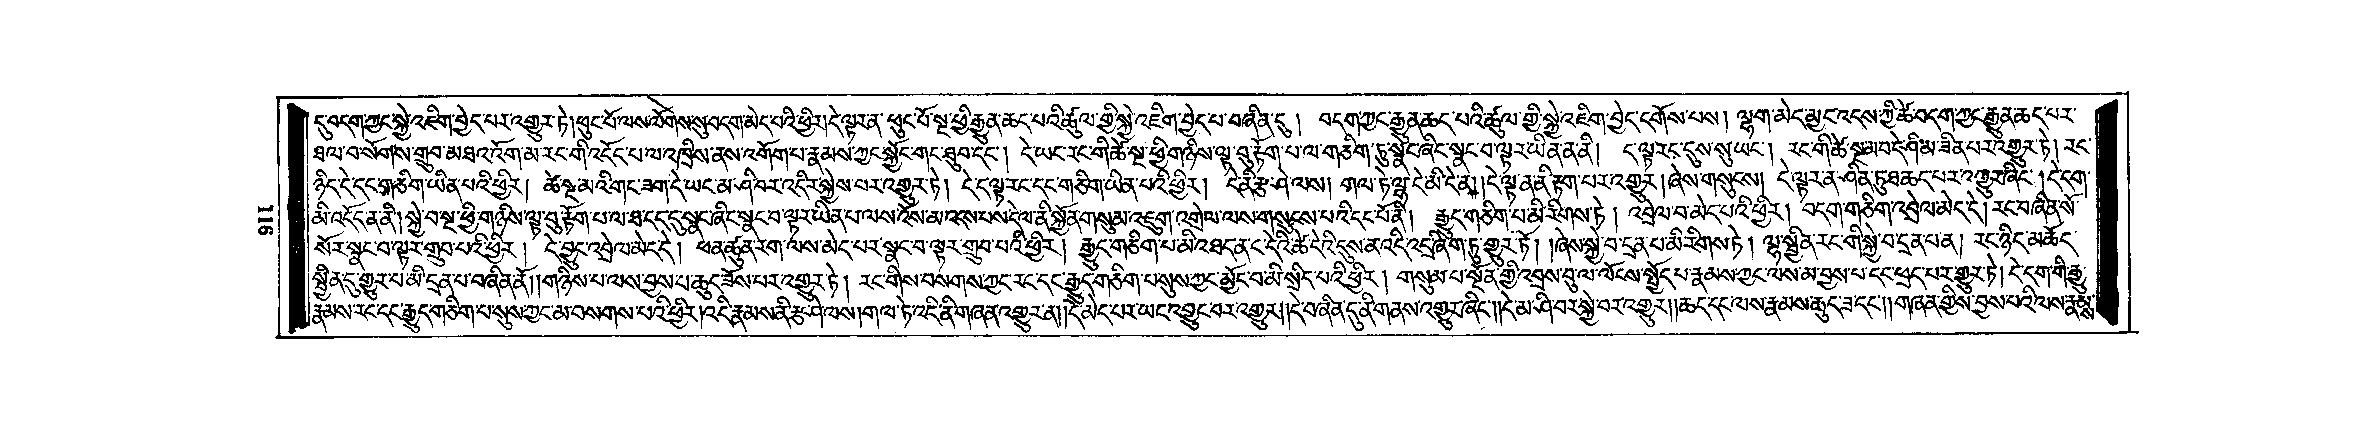དུ་བདག་ཀྱང་སྐྱེ་འཇིག་བྱེད་པར་འགྱུར་ཏེ། ཕུང་པོ་ལས་ལོགས་སུ་བདག་མེད་པའི་ཕྱིར། དེ་ལྟར་ན་ཕུང་པོ་སྔ་ཕྱི་རྒྱུན་ཆད་པའི་ཚུལ་གྱི་སྐྱེ་འཇིག་བྱེད་པ་བཞིན་དུ། བདག་ཀྱང་རྒྱུན་ཆད་པའི་ཚུལ་གྱི་སྐྱེ་འཇིག་བྱེད་དགོས་པས། ལྷག་མེད་མྱང་འདས་ཀྱི་ཚེ་བདག་ཀྱང་རྒྱུན་ཆད་པར་
ཐལ་བ་སོགས་གྲུབ་མཐའ་འོག་མ་རང་གི་འདོད་པ་ལ་འཁྲིས་ནས་འགོག་པ་རྣམས་ཀྱང་སྐྱོང་གང་ཐུབ་དང་། དེ་ཡང་རང་གི་ཚེ་སྔ་ཕྱི་གཉིས་ལྟ་བུ་རྟོག་པ་ལ་གཅིག་ཏུ་སྣང་ཞིང་སྣང་བ་ལྟར་ཡིན་ན་ནི། ད་ལྟ་རང་དུས་སུ་ཡང་། རང་གི་ཚེ་སྔ་མ་བདེ་ཤི་མ་ཟིན་པར་འགྱུར་ཏེ། རང་
ཉིད་དེ་དག་གཅིག་ཡིན་པའི་ཕྱིར། ཚེ་སྔ་མའི་གང་ཟག་དེ་ཡང་མ་ཤི་བར་འདིར་སྐྱེས་པར་འགྱུར་ཏེ། དེ་ད་ལྟ་རང་དང་གཅིག་ཡིན་པའི་ཕྱིར། དེ་ནི་རྩ་ཤེ་ལས། གལ་ཏེ་ལྷ་དེ་མི་དེ་མ། །དེ་ལྟ་ན་ནི་རྟག་པར་འགྱུར་།ཞེས་གསུངས། དེ་ལྟར་ན་ཤིན་ཏུ་ཐ་ཆད་པར་འགྱུར་ཞིང་། དེ་དག་
མི་འདོད་ན་ནི། སྐྱེ་བ་སྔ་ཕྱི་གཉིས་ལྟ་བུ་རྟོག་པ་ལ་ཐ་དདང་དུ་སྣང་ཞིང་སྣང་བ་ལྟར་ཡིན་པ་ལས་འོས་མ་འདས་པས་དེ་ལ་ནི་སྐྱོན་གསུམ་འཇུག་འགྲེལ་ལས་གསུངས་པའི་དང་པོ་ནི། རྒྱུད་གཅིག་པ་མི་རིགས་ཏེ། འབྲེལ་བ་མེད་པའི་ཕྱིར། བདག་གཅིག་འབྲེལ་མེད་དེ། རང་བཞིན་སོ་
སོར་སྣང་བ་ལྟར་གྲུབ་པའི་ཕྱིར། དེ་བྱུང་འབྲེལ་མེད་དེ། ཕན་ཚུན་རག་ལས་མེད་པར་སྣང་བ་ལྟར་གྲུབ་པའི་ཕྱིར། རྒྱུད་གཅིག་པ་མི་འཐད་ན་ང་དེའི་ཚེ་དེའི་དུས་ན་འདི་འདྲ་ཞིག་ཏུ་གྱུར་ཏོ། །ཞེས་སྐྱེ་བ་དྲན་པ་མི་རིགས་ཏེ། ལྷ་སྦྱིན་རང་གི་སྐྱེ་བ་དྲན་པ་ན། རང་ཉིད་མཆོད་
སྦྱིན་དུ་གྱུར་པ་མི་དྲན་པ་བཞིན་ནོ། །གཉིས་པ་ལས་བྱས་པ་ཆུད་ཟོས་པར་འགྱུར་ཏེ། རང་གིས་བསགས་ཀྱང་རང་དང་རྒྱུད་གཅིག་པ་སུས་ཀྱང་མྱོང་བ་མི་སྲིད་པའི་ཕྱིར། གསུམ་པ་སྔོན་གྱི་འབྲས་བུ་ལ་ལོངས་སྤྱོད་པ་རྣམས་ཀྱང་ལས་མ་བྱས་པ་དང་ཕྲད་པར་གྱུར་ཏེ། དེ་དག་གི་རྒྱུ་
རྣམས་རང་དང་རྒྱུད་གཅིག་པ་སུས་ཀྱང་མ་བསགས་པའི་ཕྱིར། འདི་རྣམས་ནི་རྩ་ཤེ་ལས། གལ་ཏེ་འདི་ནི་གཞན་འགྱུར་ན། །དེ་མེད་པར་ཡང་འབྱུང་བར་འགྱུར། །དེ་བཞིན་དུ་ནི་གནས་འགྱུར་ཞིང་། །དེ་མ་ཤི་བར་སྐྱེ་བར་འགྱུར། །ཆད་དང་ལས་རྣམས་ཆུད་ཟ་དང་། །གཞན་གྱིས་བྱས་པའི་ལས་རྣམས་